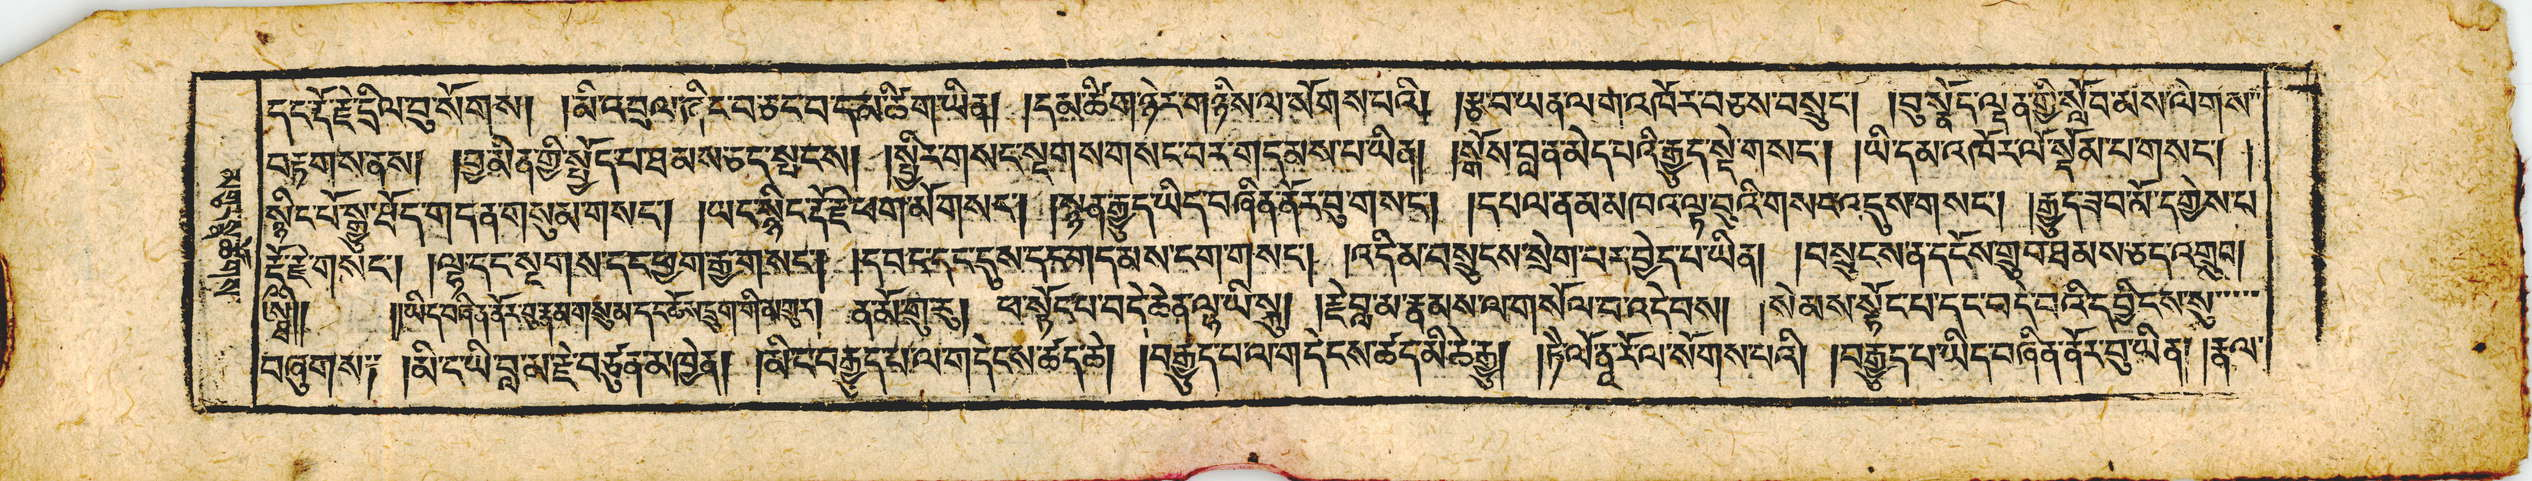དང་རྡོ་རྗེ་དྲིལ་བུ་སོགས། །མི་འབྲལ་ཞིང་བཅང་བ་དམ་ཚིག་ཡིན། །དམ་ཚིག་ཉེར་གཉིས་ལ་སོགས་པའི། །རྩ་བ་ཡན་ལག་འཁོར་བཅས་བསྲུང་། །བུ་སྣོད་ལྡན་གྱི་སློབ་མས་ལེགས་
བརྟགས་ནས། །བྱ་མིན་གྱི་སྤྱོད་པ་ཐམས་ཅད་སྤངས། །སྤྱིར་གསང་སྔགས་གསང་བར་གདམས་པ་ཡིན། །སྒོས་བླ་ན་མེད་པའི་རྒྱུད་སྡེ་གསང་། །ཡི་དམ་འཁོར་ལོ་སྡོམ་པ་གསང་། 
སྙིང་པོ་སྐྱ་ཐོད་གདན་གསུམ་གསང་། །ཡང་སྙིང་རྡོ་རྗེ་ཕག་མོགསང་། །སྙན་རྒྱུད་ཡིད་བཞིན་ནོར་བུ་གསང་། །དཔལ་ནམ་མཁའ་ལྟ་བུའི་གསང་འདུས་གསང་། །རྒྱད་ཟབ་མོ་དགྱེས་པ་
རྡོ་རྗེ་གསང་། །ལྷ་དང་སྔགས་དང་ཕྱག་རྒྱ་གསང་། །དབང་དང་དུས་དང་གདམས་ངག་གསང་། །འདི་མ་བསྲུངས་སྲེག་པར་བྱེད་པ་ཡིན། །བསྲུངས་ན་དངོས་གྲུབ་ཐམས་ཅད་འགྲུབ། 
།ཨྠི། །༼ཡིད་བཞིན་ནོར་བུ་རྣམ་གསུམ་དང་ཆོས་དྲུག་གི་མ་མགུར།༽ ནམོ་གུ་རུ། ཕ་སྟོང་པ་བདེ་ཆེན་ལྷ་ཡི་སྐུ། །རྗེབླ་མ་རྣམས་ལ་གསོལ་བ་འདེབས། སེམས་སྟོང་པ་དང་བདེ་བའི་དབྱིངས་སུ་
བཞུགས། མི་ང་ཡི་བླ་མ་རྗེ་བཙུན་མཁྱེན། །མི་ང་བརྒྱུད་པ་ལ་གདེངས་ཚད་ཆེ། །བརྒྱུད་པ་ལ་གདེངས་ཚད་མི་ཆེ་རྒྱུ། །ཏཻ་ལོ་ནཱ་རོ་ལ་སོགས་པའི། །བརྒྱུད་པ་ཡིད་བཞིན་ནོར་བུ་ཡིན། །རྣལ་